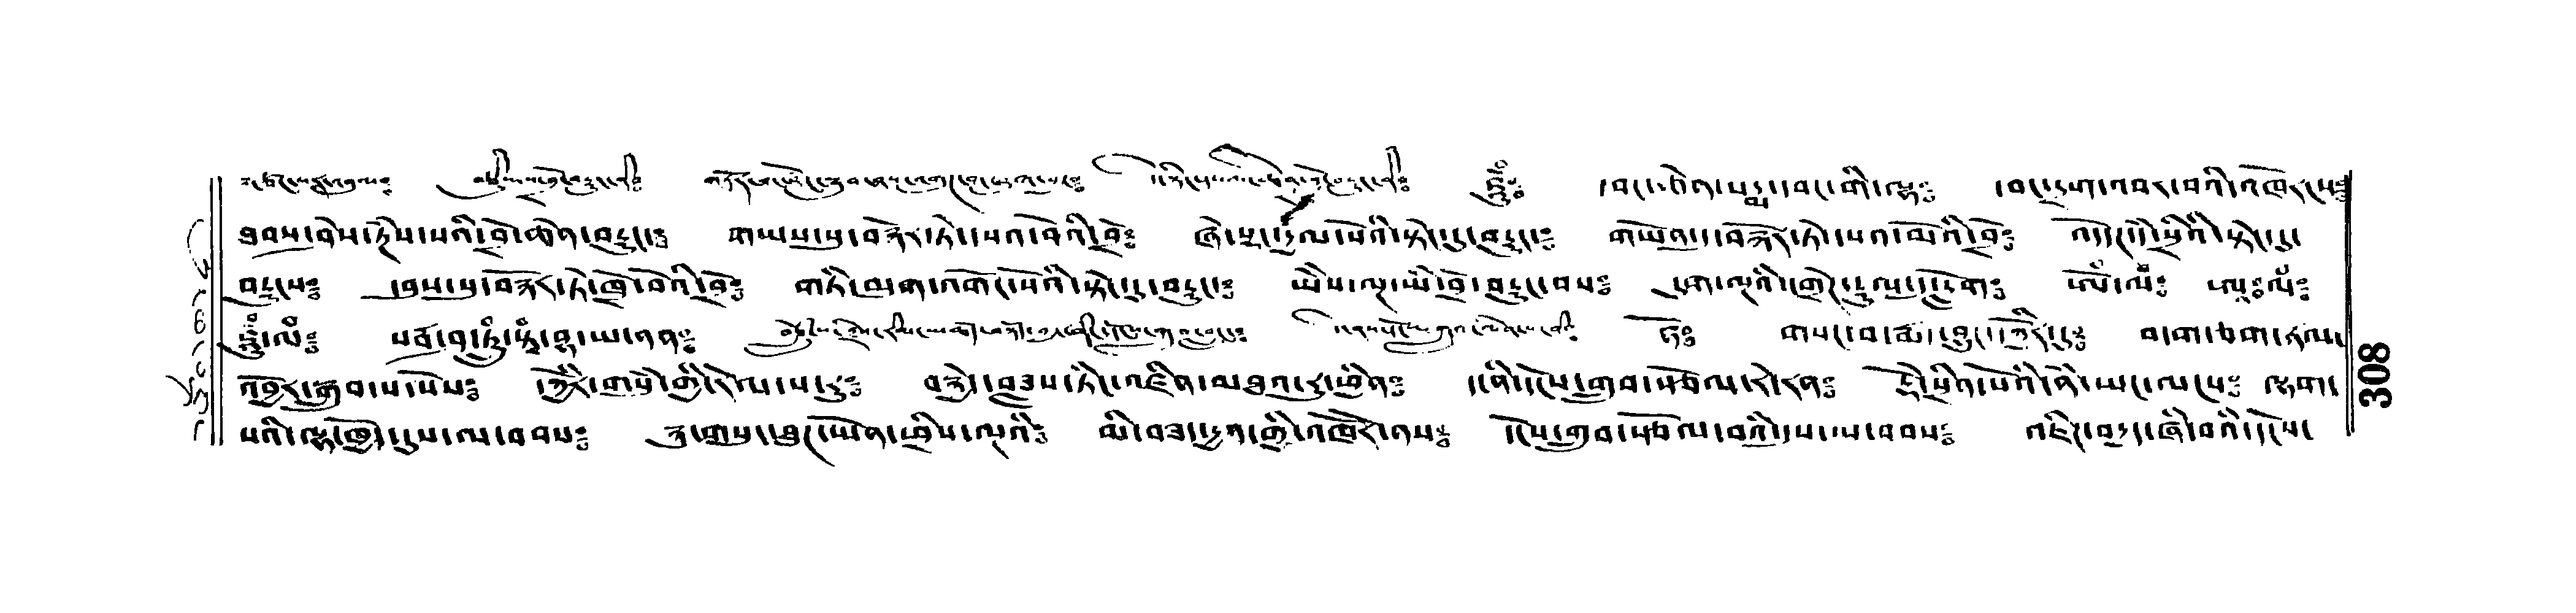གཙང་སར་འབུལ༔ བཅུ་གཉིས་པ་བྲོ་བརྡུང་ནི༔ གཏོར་གཞོང་སྦུབ་ནས་འགུགས་གཞུག་བྱཿ དེ་སྟེང་དཔལ་ཆེན་བྲོ་རྡུང་ནི༔ ཧཱུྃ༔ དབང་ཆེན་པདྨ་དབང་གི་ལྷ༔ དབང་དྲག་འབར་བའི་འཁོར་དང་བཅས༔ 
ཐབས་ཤེས་རྔམས་པའི་བྲོ་ཆེན་བརྡུང༔ གཡས་སུ་བསྐོར་ཏེ་དཔའ་བོའི་བྲོ༔ ཞེ་སྡང་རྒྱལ་པོའི་སྟེང་དུ་བརྡུང༔ གཡོན་དུ་བསྐོར་ཏེ་དཔའ་མོའི་བྲོ༔ འདོད་ཆགས་དམ་སྲིའི་སྟེང་དུ་
བརྡུང༔ དབུས་སུ་བསྐོར་ཏེ་ཁྲོ་བོའི་བྲོ༔ གཏི་མུག་འགོང་པོའི་སྟེང་དུ་བརྡུང༔ ཡེ་ཤེས་ལྔ་ཡི་བྲོ་བརྡུང་བས༔ དུག་ལྔའི་དགྲ་བགེགས་རྡུལ་དུ་རློག༔ ཨོཾ་ལཾ༔ ཨཱཿལཾ༔ 
ཧཱུྃ་ལཾ༔ སརྦ་ཤ་ཏྲུཾ་སྟྭཾ་བྷ་ཡ་ནན༔ བཅུ་གསུམ་པ་རྗེས་རིམ་མཆོད་བསྟོད་བྱ་ཞིང་དངོས་གྲུབ་བླང༔ དེ་ནས་དངོས་གྲུབ་ལེན་པ་ནི༔ ཧོཿ གསང་བ་རྨད་བྱུང་དཀྱིལ་འཁོར་དུ༔ བདག་ཅག་རྣལ་
འབྱོར་སྒྲུབ་པ་པོས༔ དཀྱིལ་འཁོར་གསུམ་གྱི་རོལ་པ་རུ༔ བསྐྱེད་བཟླས་ཏིང་འཛིན་མཐའ་རུ་ཕྱིན༔ ད་ནི་དངོས་གྲུབ་སྩོལ་རེ་རན༔ རྡོ་རྗེ་སྲིན་པོའི་ནམ་ཡང་ལངས༔ ལྷག་
པའི་ལྷ་ཁྱོད་དུས་ལ་བབས༔ སྐུ་གསུང་ཐུགས་ཡོན་ཕྲིན་ལས་ལྔའི༔མི་ཟད་རྒྱན་གྱི་འཁོར་ལོ་ནས༔ དངོས་གྲུབ་སྩོལ་བའི་དུས་ལ་བབས༔ འཇིགས་བརྒྱད་ཞི་བའི་དངོས་